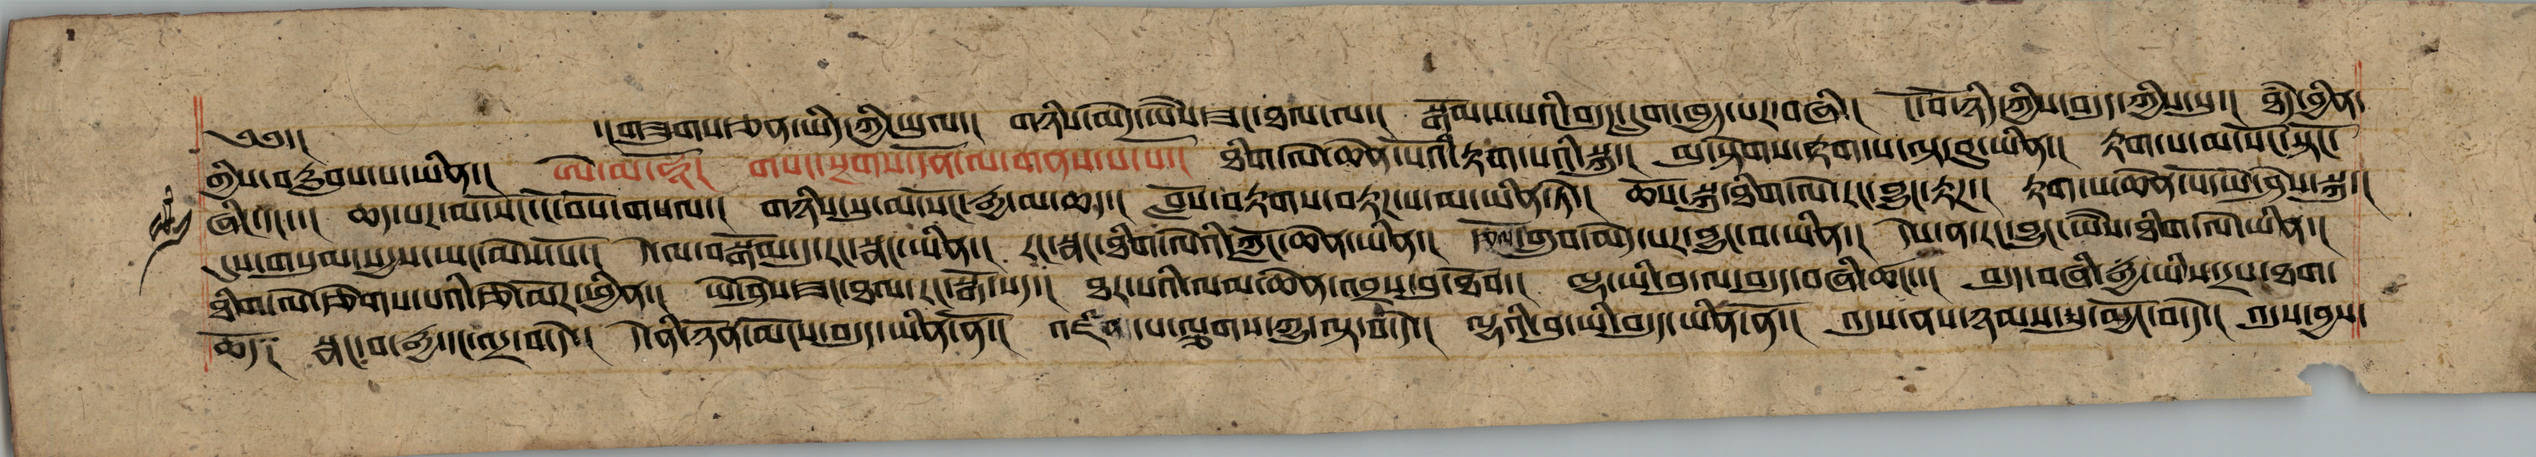༄༅་། ་།གཟུགས་ཅན་ཡིད་ཀྱི་ཡུལ་། གཉིས་མེད་ཡཻས་ཟང་ཐལ་ལ་། སྒོམས་པའི་བདུད་དྲུག་ཁྱད་པར་བཞི་། ངོ་བོ་ཉིད་ཀྱིས་བདུད་ཀྱིས་སུ་། ཐཾད་བྱིན་
གྱིས་བརླབས་པ་ཡིན་། ཨེ་མ་ཧཱོ། གསང་སྔགས་དོན་ལ་གནས་པ་པོ་། ཐིག་ལེ་ཆེན་པོའི་རྟག་པའི་སྐུ་། མུ་སྟེགས་རྟག་པ་ལྟ་བུ་ཡིན་། རྟག་པ་མ་སོང་སྟོང་
ཞིང་དང་་། ཆད་པར་མ་སོང་ངོ་བོས་གསལ་། གཉིས་སུ་མ་སོང་རྒྱ་མ་ཆད་། བློས་བརྟགས་བརྟཌ་པ་མ་ཡིན་ཏེ་། ཆོས་སྐུ་ཐིག་ལེ་རང་བྱུང་རྟཌ་། རྟག་པ་ཆེན་པོ་ཡེ་ཤེས་སྐུ་།
དུས་གསུམ་སདྱས་ཡང་མེས་སོ་། དེ་ལ་བསྒོམ་དུ་རང་སྣང་ཡིན་། རང་སྣང་ཐིག་ལེའི་ཀློང་ཆེན་ཡིན་། རྩོལ་གྲུབ་མེད་པར་བྱུང་བ་ཡིན་། དེས་ན་རང་བྱུང་ཡཻས་ཐིགལེ་ཡིན་།
ཐིག་ལེ་རྩེགས་པའི་རྩེ་མོར་ཕྱིན་། ཡེ་ཤེས་ཟང་ཐལ་རང་སྒོ་སད་། ཐར་པའི་ལམ་ཆེན་འབྲས་བུ་ཐོབ་། ལྷ་ཡི་བུ་ལ་བདུད་བཞི་ཚང་་། བདུད་བཞི་རྒྱ་ཡིས་དྲས་ཐག་
ཆོད། སྣང་བ་རྒྱ་དང་འདྲ་བ་དེ་། དེ་ནི་ཉོན་མོངས་བདུད་ཡིན་ནོ་། འཛིན་པ་ལྕགས་ཀྱུ་ལྟ་བ་དེ་། ལྷའི་བུ་ཡི་བདུད་ཡིན་ནོ་། འདུས་ནས་ཉམས་སུ་མྱོང་བ་དེ་། འདུས་བྱས་